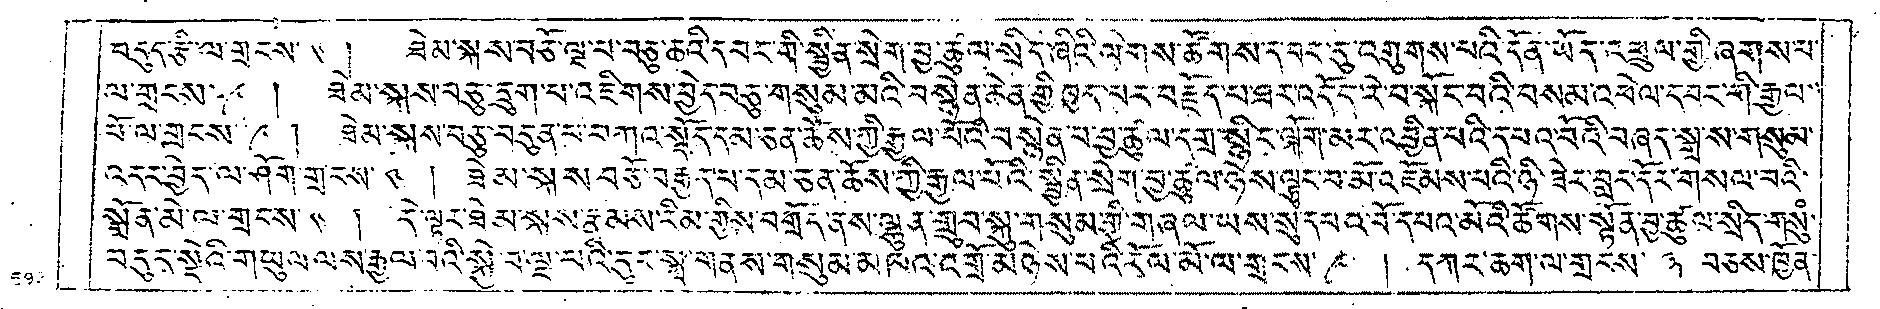བདུད་རྩི་ལ་གྲངས ༤། ཐེམ་སྐས་བཅོ་ལྔ་པ་བཅུ་ཆའི་དབང་གི་སྦྱིན་སྲེག་བྱ་ཚུལ་སྲིད་ཞིའི་ལེགས་ཚོགས་དབང་དུ་འགུགས་པའི་དོན་ཡོད་འཕྲུལ་གྱི་ཞགས་པ་
ལ་གྲངས ༩། ཐེམ་སྐས་བཅུ་དྲུག་པ་འཇིགས་བྱེད་བཅུ་གསུམ་མའི་བསྙེན་ཆེན་གྱི་ཁྱད་པར་བརྗོད་པ་ཐར་འདོད་རེ་བ་སྐོང་བའི་བསམ་འཕེལ་དབང་གི་རྒྱལ་
པོ་ལ་གྲངས ༩། ཐེམ་སྐས་བཅུ་བདུན་པ་བཀའ་སྡོད་དམ་ཅན་ཆོས་ཀྱི་རྒྱལ་པོའི་བསྙེན་པ་བྱ་ཚུལ་དགྲ་སྙིང་ལྐོག་མར་འབྱིན་པའི་དཔའ་བོའི་བཞད་སྒྲ་ས་གསུམ་
འདར་བྱེད་ལ་ཤོག་གྲངས ༤། ཐེམ་སྐས་བཅོ་བརྒྱད་པ་དམ་ཅན་ཆོས་ཀྱི་རྒྱལ་པོའི་སྦྱིན་སྲེག་བྱ་ཚུལ་ཉེས་ལྟུང་བ་མོ་འཇོམས་པའི་ཉི་ཟེར་བླང་དོར་གསལ་བའི་
སྒྲོན་མེ་ལ་གྲངས ༤། དེ་ལྟར་ཐེམ་སྐས་རྣམས་རིམ་གྱིས་བགྲོད་ནས་ལྷུན་གྲུབ་སྐུ་གསུམ་གྱི་གཞལ་ཡས་སུ་དཔའ་བོ་དཔའ་མོའི་ཚོགས་སྟོན་བྱ་ཚུལ་སྲིད་གསུཾ་
བདུད་སྡེའི་གཡུལ་ལས་རྒྱལ་བའི་སྐྱེ་བ་ལྔ་པའི་དུང་སྒྲ་གནས་གསུམ་མཁའ་འགྲོ་མཉེས་པའི་རོལ་མོ་ལ་གྲངས ༩། དཀར་ཆག་ལ་གྲངས ༣་བཅས་ཁྱོན་